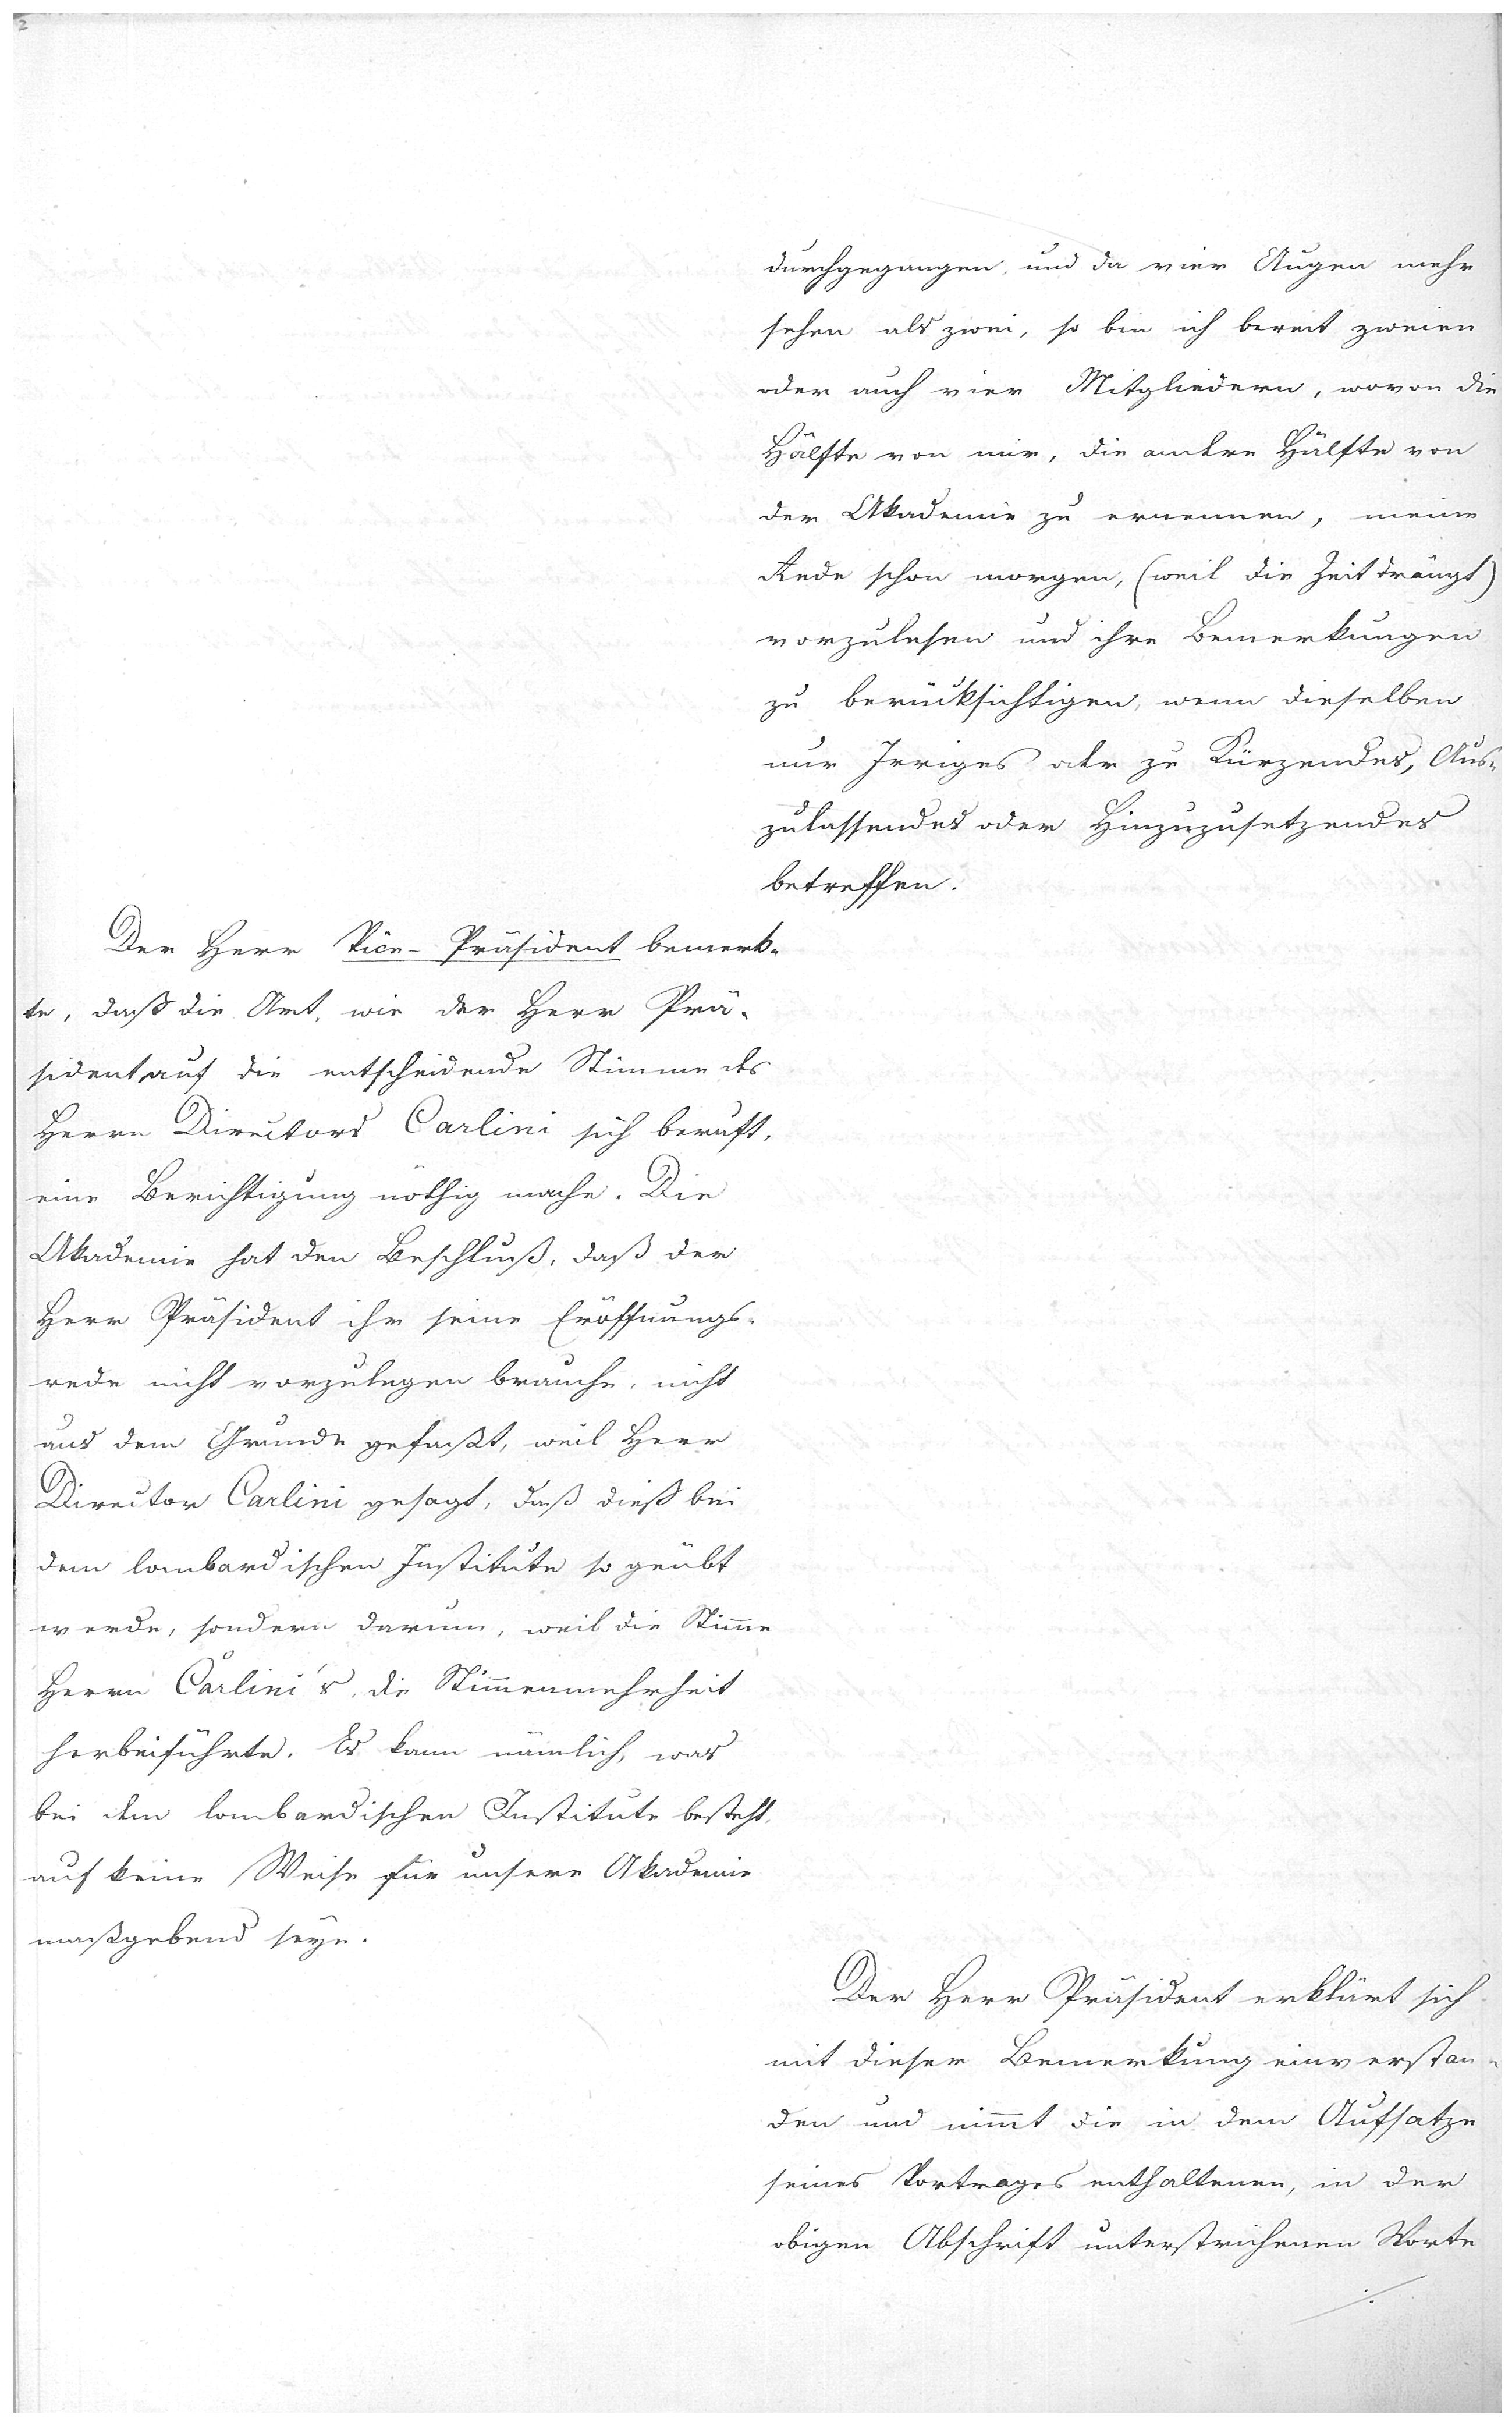durchgegangen, und da vier Augen mehr
sehen als zwei, so bin ich bereit zweien
oder auch vier Mitgliedern, wovon die
Hälfte von mir, die andere Hälfte von
der Akademie zu ernennen, meine
Rede schon morgen, (weil die Zeit drängt)
vorzulesen und ihre Bemerkungen
zu berücksichtigen, wenn dieselben
nur Irriges oder zu Kürzendes, Aus-
zulassendes oder Hinzuzusetzendes
betreffen.
Der Herr Vice-Präsident bemerk-
te, daß die Art, wie der Herr Prä-
sident auf die entscheidene Stimme des
Herrn Directors Carlini sich beruft,
eine Berichtigung nöthig mache. Die
Akademie hat den Beschluß, daß der
Herr Präsident ihr seine Eröffnungs-
rede nicht vorzulegen brauche, nicht
aus dem Grunde gefaßt, weil Herr
Director Carlini gesagt, daß dieß bei
dem lombardischen Institute so geübt
werde, sondern darum, weil die Stimme
Herrn Carlini's die Stimmenmehrheit
herbeiführte. Es kann nämlich, was
bei dem lombardischen Institute besteht
auf keine Weise für unsere Akademie
maßgebend seyn.
Der Herr Präsident erklärt sich
mit dieser Bemerkung einverstan-
den und nimmt die in dem Aufsatze
seine Vortrages enthaltenen, in der
obigen Abschrift unterstrichenen Worte